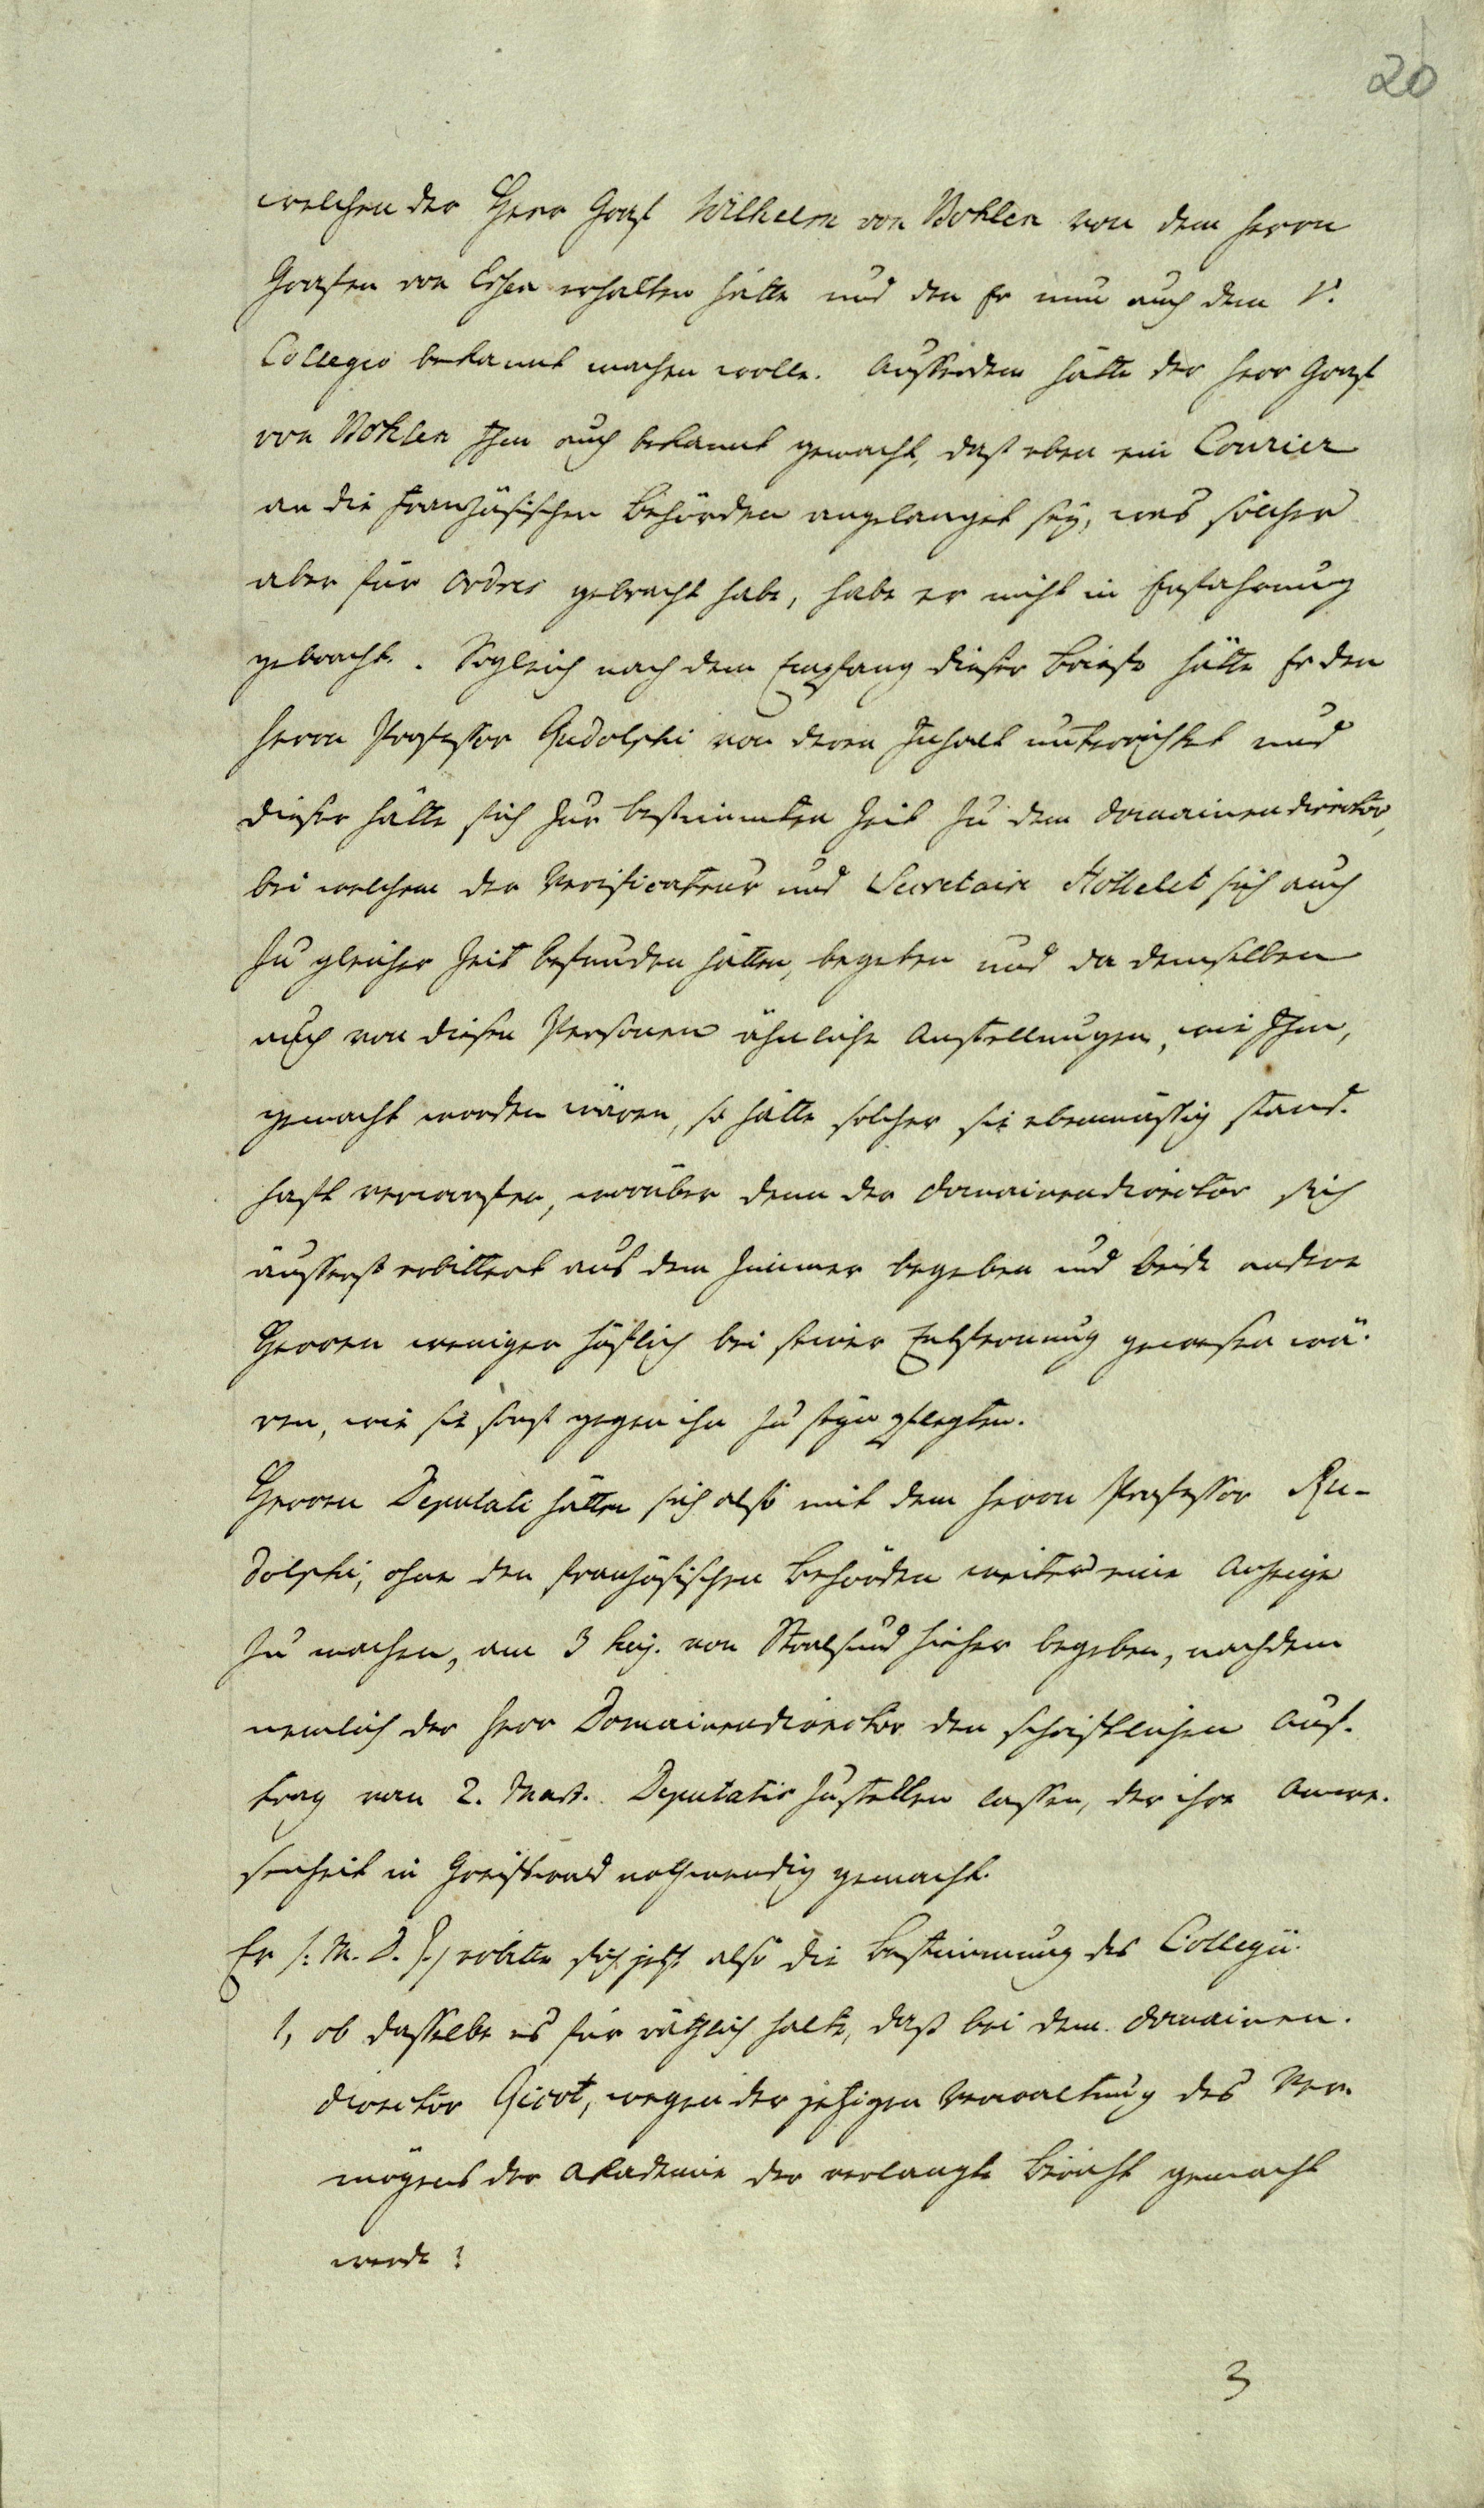welchen der Herr Graf Wilhelm von Bohlen von dem Herrn
Grafen von Essen erhalten hätte und den Er nun auch dem V.
Collegio bekannt machen wolle. Ausserdem hätte der Herr Graf
von Bohlen Ihm auch bekannt gemacht, daß eben ein Courier
an die Französischen Behörden angelanget seÿ, was solcher
aber für Ordres gebracht habe, habe er nicht in Erfahrung
gebracht. Sogleich nach dem Empfang dieser Briefe hätte Er den
Herrn Professor Rudolphi von deren Inhalt unterrichtet und
dieser hätte sich zur bestimmten Zeit zu dem Domainendirector,
bei welchem der Verificateur und Secretaire Holletet sich auch
zu gleicher Zeit befunden hätten, begeben und da demselben
auch von diesen Personen ähnliche Anstellungen, wie Ihm,
gemacht worden wären, so hätte solcher sie ebenmässig stand¬
haft verworfen, worüber denn der Domainendirector sich
äusserst erbiltert aus dem Zimmer begeben und beide andern
Herren weniger höflich bei seiner Entfernung gewesen wä¬
ren, wie sie sonst gegen ihn zu seÿn pflegten.
Herren Deputati hätten sich also mit dem Herrn Professor Ru¬
dolphi, ohne den Französischen Behörden weiter eine Anzeige
zu machen, am 3 huj. von Stralsund hieher begeben, nachdem
nemlich der Herr Domainendirector den schriftlichen Auf¬
trag vom 2. Mart. Deputatis zustellen lassen, der ihre Anwe¬
senheit in Greifswald nothwendig gemacht.
Er /. M. D. R. / erbitte sich jetzt also die Bestimmung des Collegii
1, ob dasselbe es für räthlich halte, daß bei dem Domainen¬
director Ricot, wegen der jetzigen Verwaltung des Ver¬
mögens der Akademie der verlangte Bericht gemacht
werde?
2,